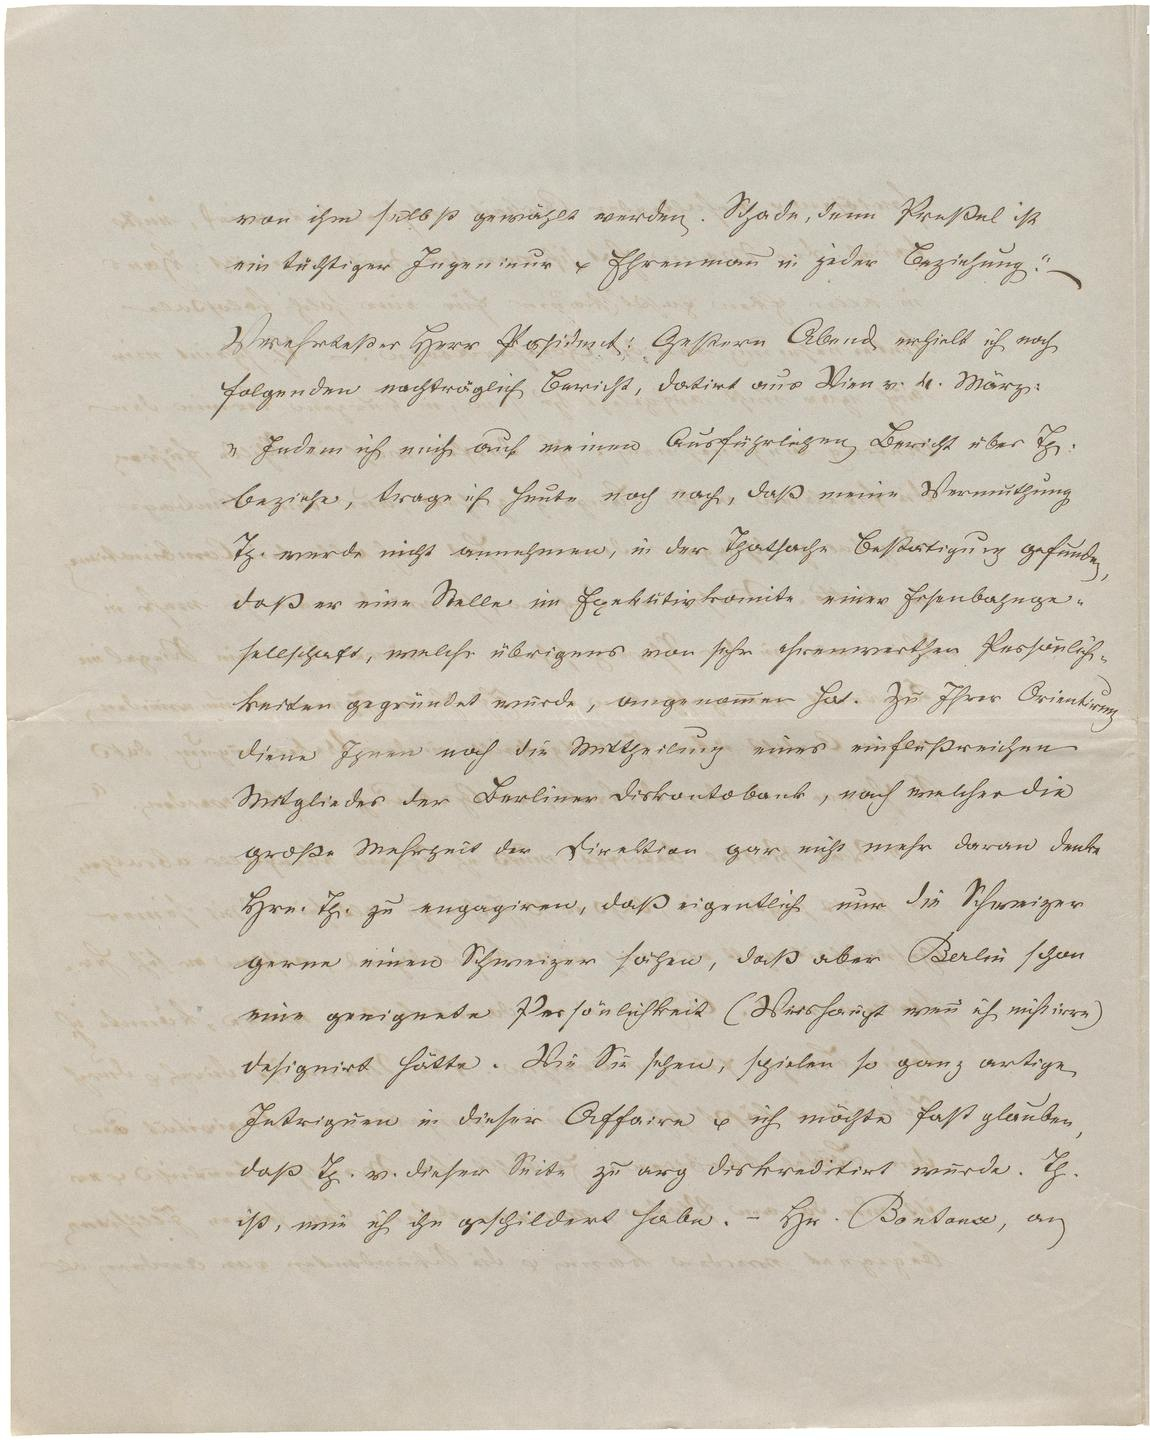von ihm selbst gewählt werden. Schade, denn Preßel ist
ein tüchtiger Ingenieur & Ehrenmann in jeder Beziehung.» –
Verehrtester Herr Präsident: Gestern Abend erhielt ich noch
folgenden nachträglichen Bericht, datirt aus Wien v. 4. März:
«Indem ich mich auf meinen Ausführlichen Bericht über Th.
beziehe, trage ich heute noch nach, daß meine Vermuthung
Th. werde nicht annehmen, in der Thatsache Bestätigung gefunden,
daß er eine Stelle im Exekutivkomite einer Eisenbahnge-
sellschaft, welche übrigens von sehr ehrenwerthen Persönlich-
keiten gegründet wurde, angenommen hat. Zu Ihrer Orientirung
diene Ihnen noch die Mittheilung eines einflußreichen
Mitgliedes der Berliner Diskontobank, nach welcher die
große Mehrheit der Direktion gar nicht mehr daran denke
Hrn. Th. zu engagiren, daß eigentlich nur die Schweizer
gerne einen Schweizer sähen, daß aber Berlin schon
eine geeignete Persönlichkeit (Weishaupt wenn ich nicht irre)
designirt hätte. Wie Sie sehen, spielen so ganz artige
Intriguen in dieser Affaire & ich möchte fast glauben,
daß Th. v. dieser Seite zu arg diskreditirt wurde. Th.
ist, wie ich ihn geschildert habe. – Hr. Bantaux , an